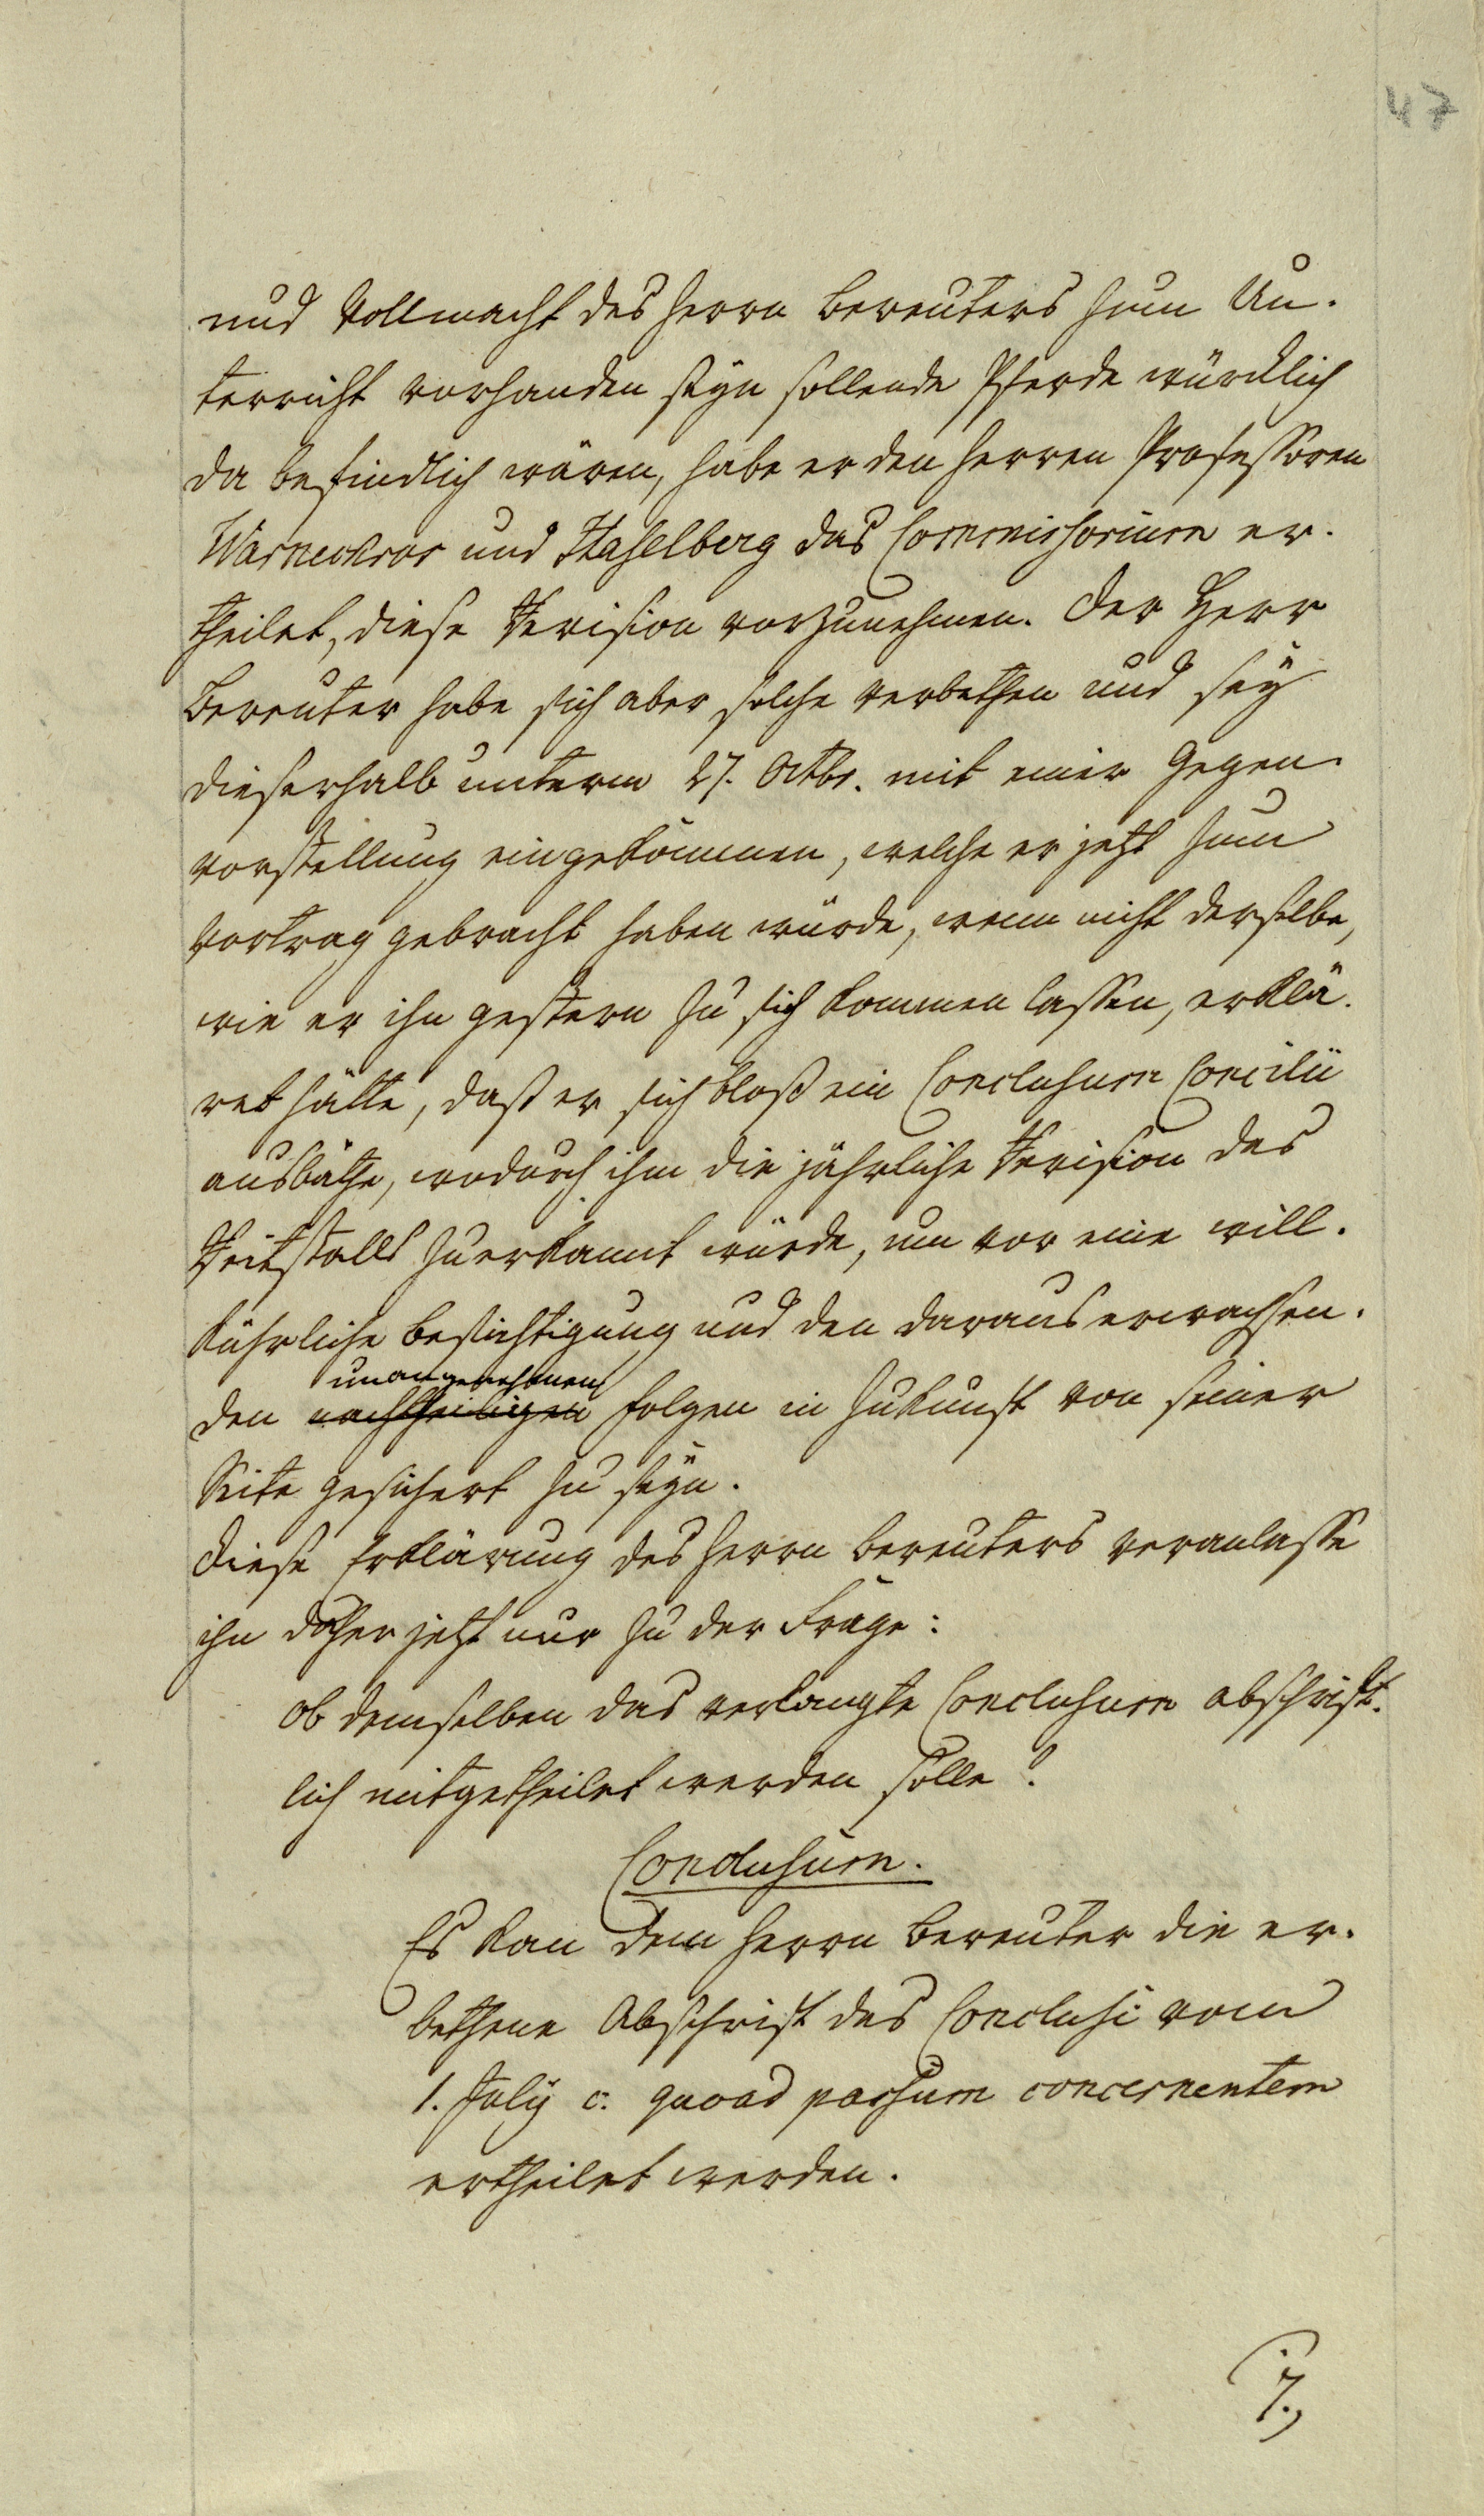und Vollmacht des Herrn Bereuters zum Un¬
terricht vorhanden seÿn sollende Pferde würcklich
da befindlich wären, habe er den Herren Professoren
Warneckros und Haselberg das Commissorium er¬
theilet, diese Revision vorzunehmen. Der Herr
Bereuter habe sich aber solche verbethen und seÿ
dieserhalb unterm 27. Octbr. mit einer Gegen¬
vorstellung eingekommen, welche er jetzt zum
Vortrag gebracht haben würde, wenn nicht derselbe,
wie er ihn gestern zu sich kommen lassen, erklä¬
ret hätte, daß er sich bloß ein Conclusum Concilii
ausbäthe, wodurch ihm die jährliche Revision des
Reitstalls zuerkannt würde, um vor eine will¬
kührliche Besichtigung und den daraus erwachsen¬
unangenehmen
den nachtheiligen Folgen in Zukunft von seiner
Seite gesichert zu seÿn.
Diese Erklärung des Herrn Bereuters veranlasse
ihn daher jetzt nur zu der Frage:
ob demselben das verlangte Conclusum abschrift¬
lich mitgetheilet werden solle?
Conclusum.
Es kan dem Herrn Bereuter die er¬
bethene Abschrift des Conclusi vom
1. Julÿ c: quoad passum concernentem
ertheilet werden.
7.,